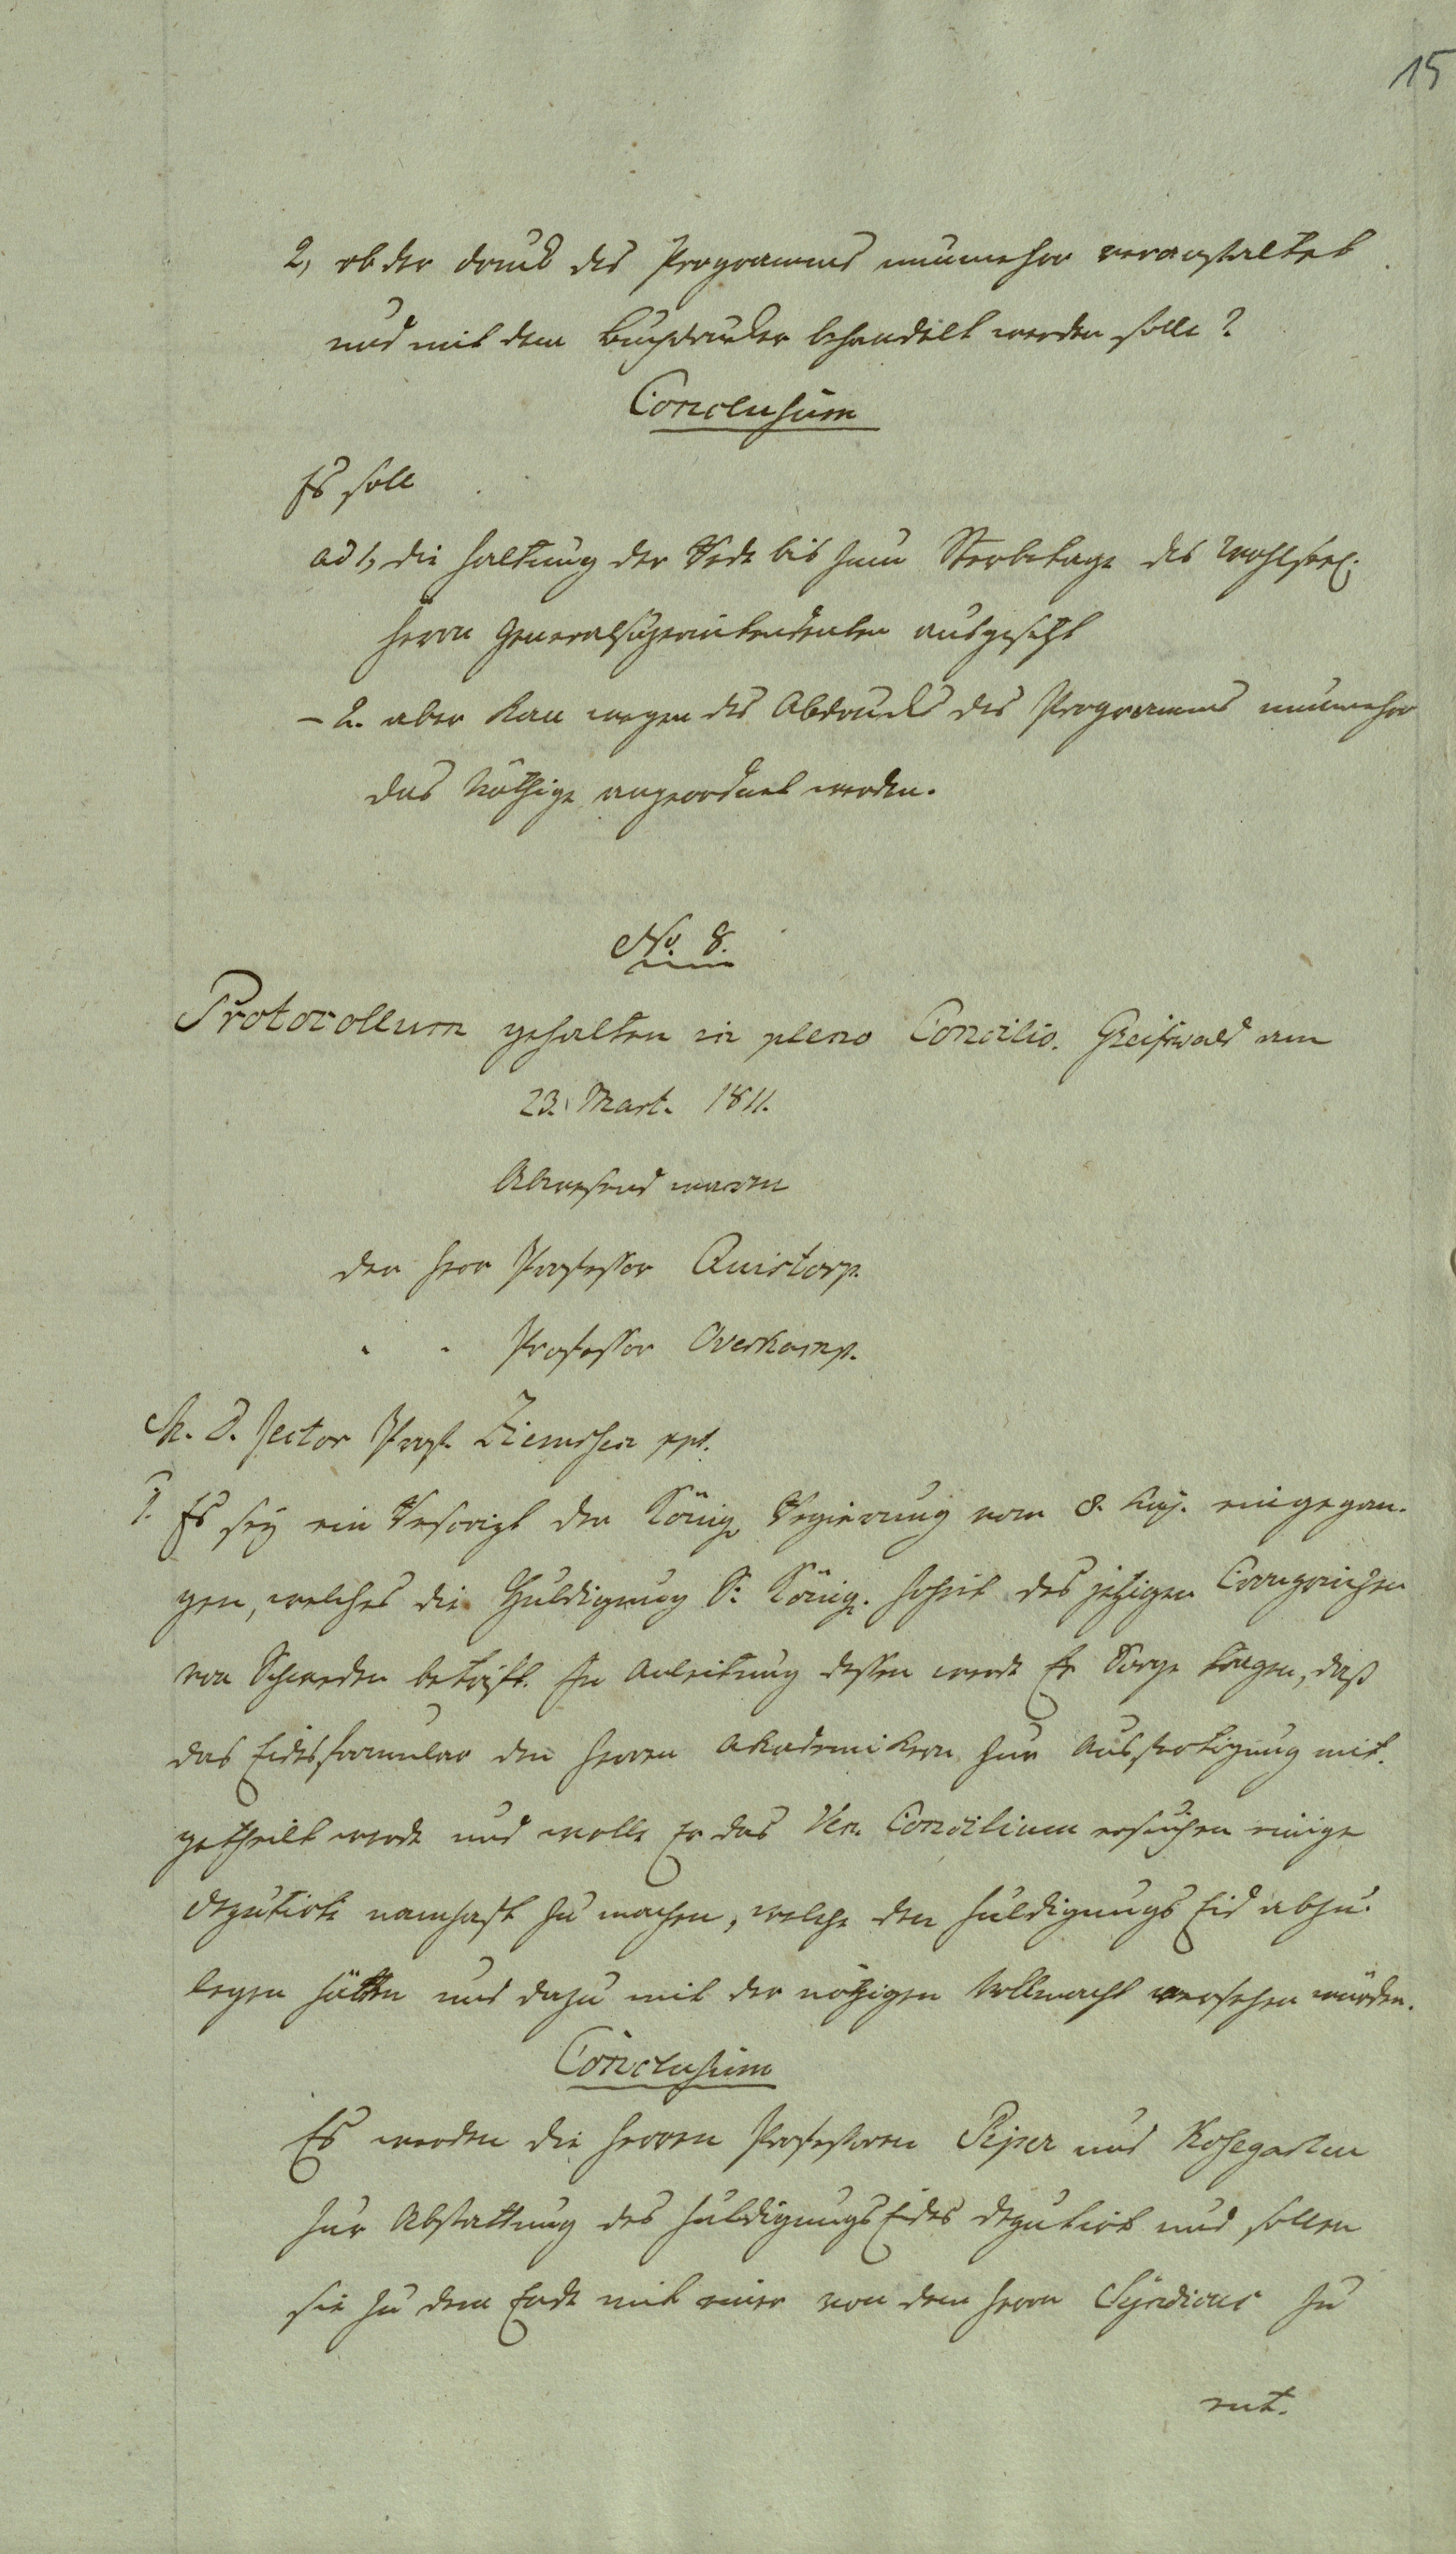2, ob der Druck des Programms nunmehro veranstaltet
und mit dem Buchdrucker gehandelt werden solle?
Conclusum
Es soll
ad 1, die Haltung der Rede bis zum Sterbetage des Wohlseel.
herrn Generalsuperintendenten ausgesetzt
2, aber kan wegen des Abdrucks des Programms nunmehro
das Nöthige angeordnet werden.
Nº 8.
Protocollum gehalten in pleno Concilio. Greifswald am
23. Mart. 1811
Abwesend waren
der herr Professor Quistorp.
Professor Overkamp.
M. D. Rector Prof. Ziemssen ppt.
1. Es seÿ ein Rescript der Königl. Regierung vom 8. huj. eingegan¬
gen, welches die Huldigung Sr. Königl. Hoheit des jetzigen Cronprinzen
von Schweden betrift. In Anleitung dessen werde Er Sorge tragen, daß
das Eidesformular den herren Akademikern zur Ausfertigung mit¬
getheilt werde und wolle Er das Ven. Concilium ersuchen einige
Deputirte namhaft zu machen, welche den Huldigungs Eid abzu¬
legen hätten und dazu mit der nöthigen Vollmacht versehen würden.
Conclusum
Es werden die Herren Professoren Piper und Kosegarten
zur Abstattung des Huldigungs Eides deputirt und sollen
sie zu dem Ende mit einer von dem Herrn Sÿndicus zu
ent.